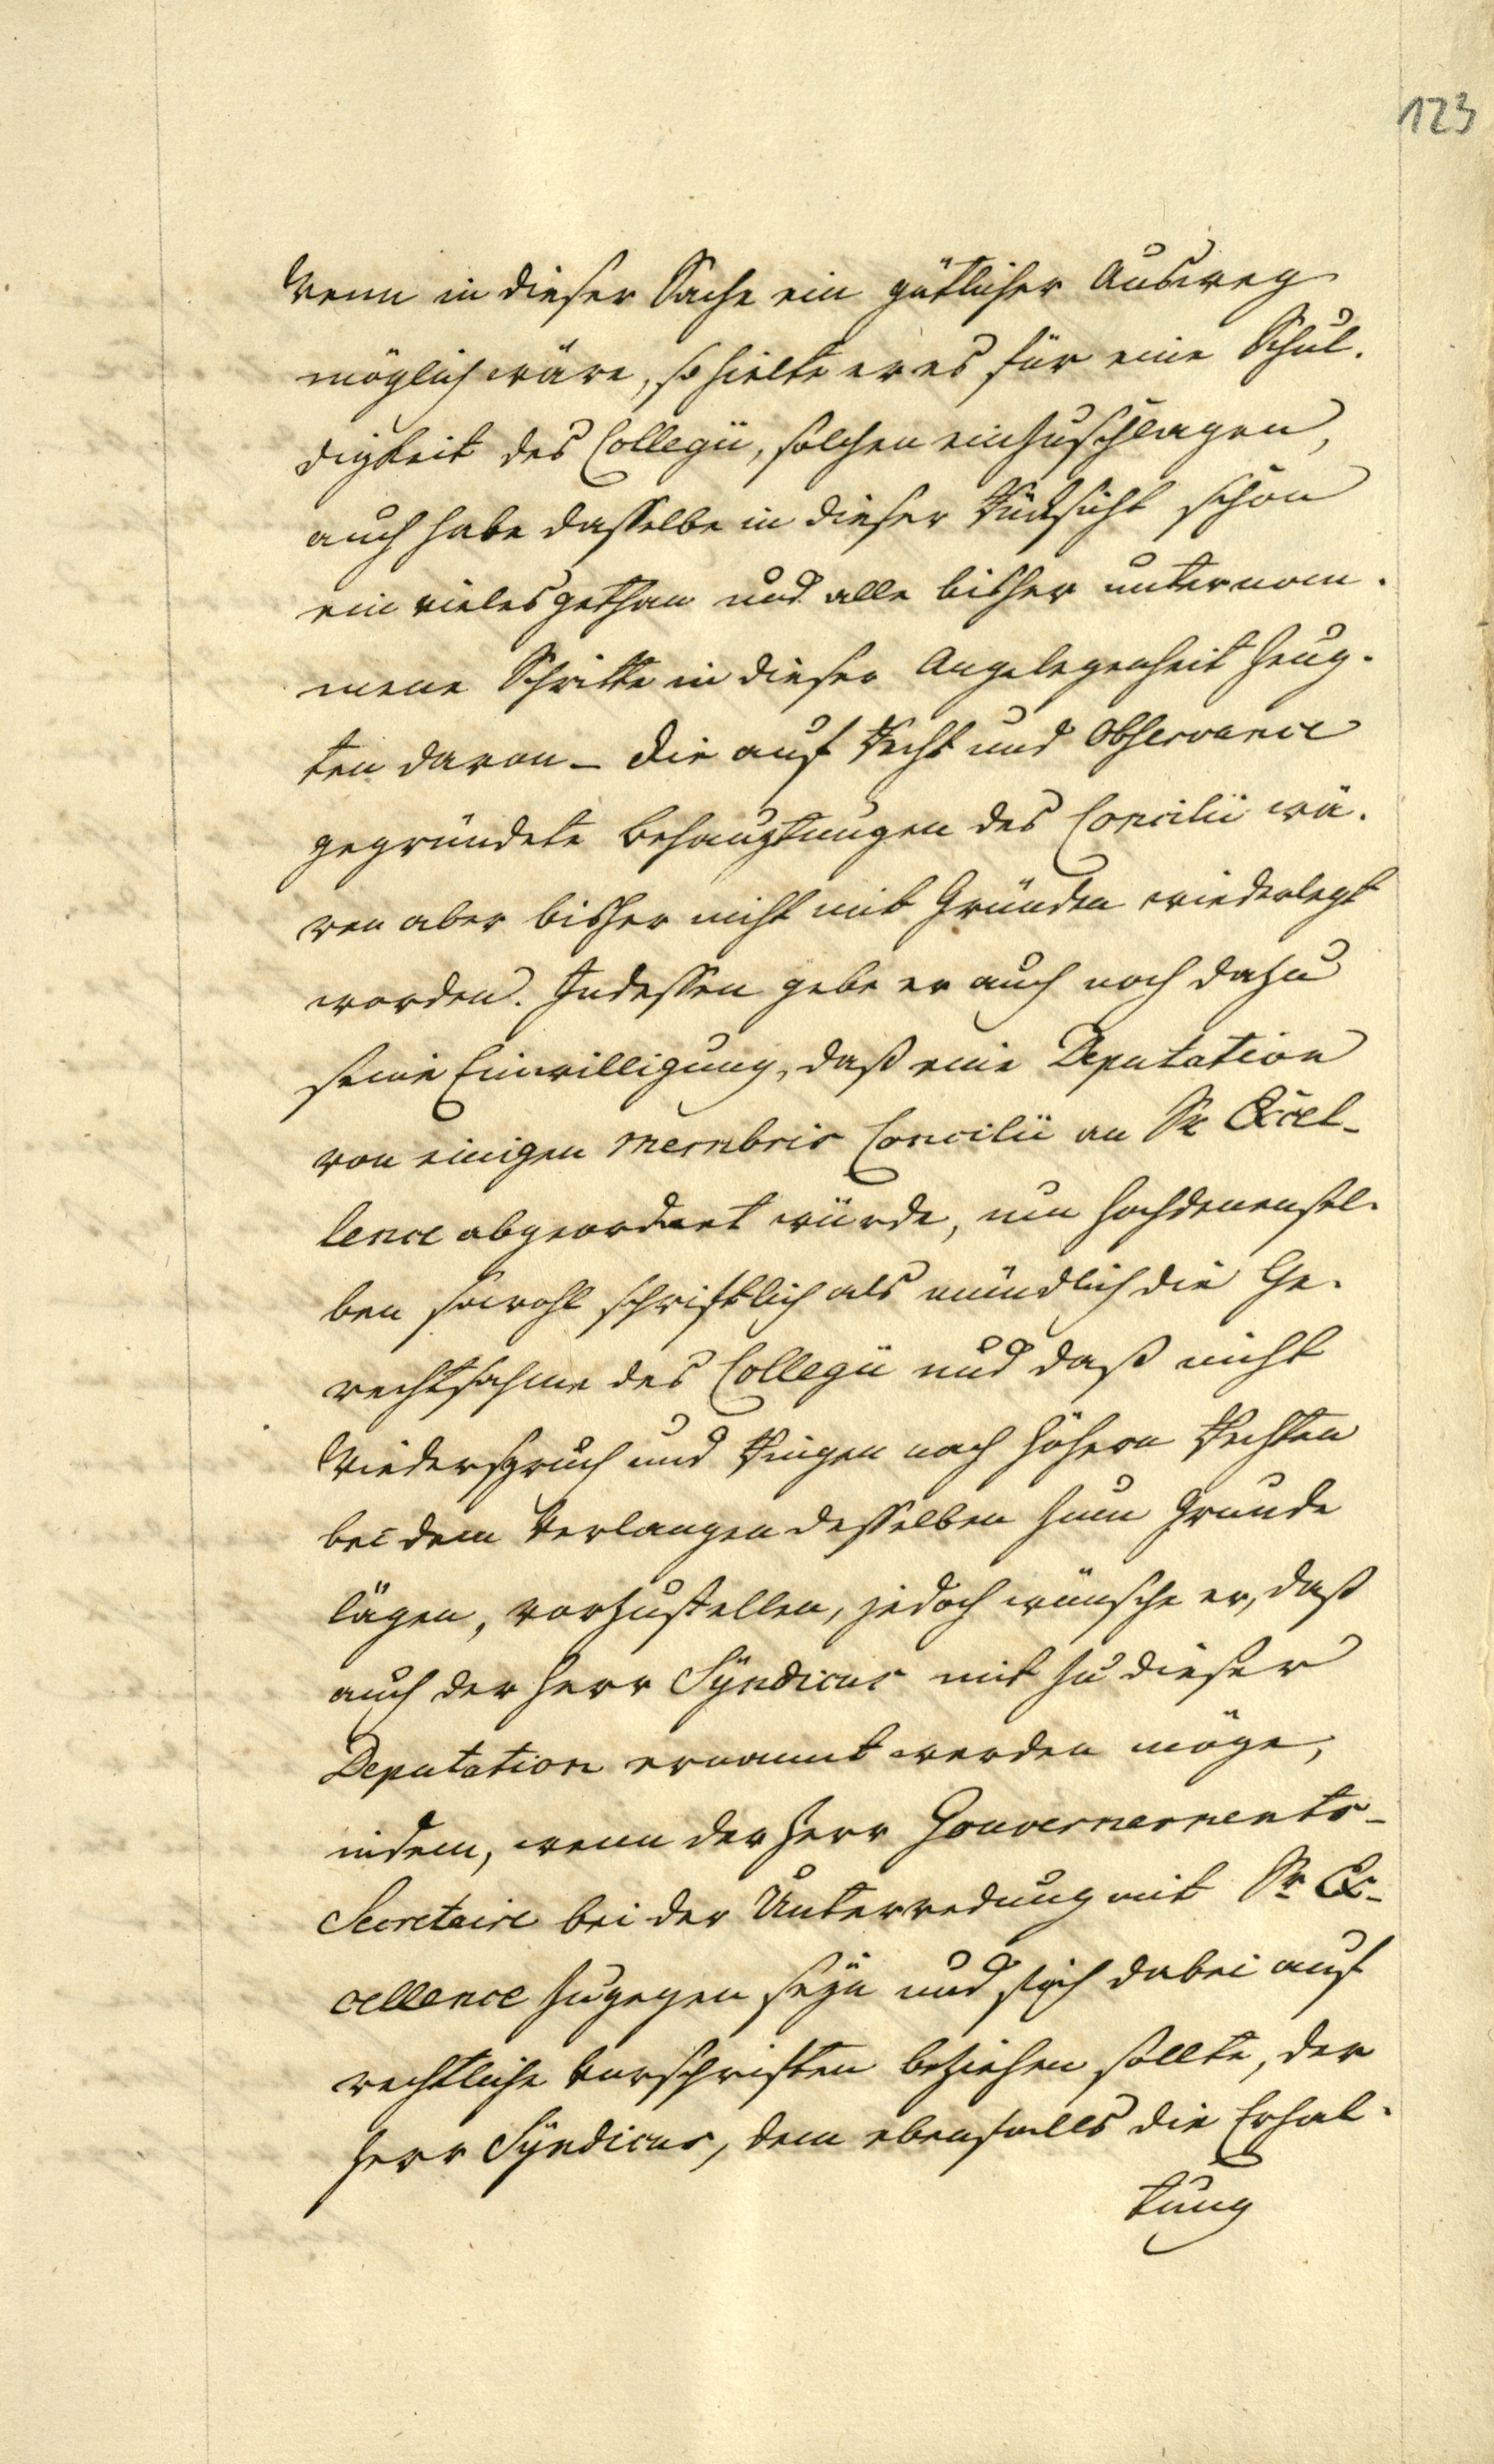Wenn in dieser Sache ein gütlicher Ausweg
möglich wäre, so hielte er es für eine Schul¬
digkeit des Collegii, solchen einzuschlagen,
auch habe dasselbe in dieser Rücksicht schon
ein vieles gethan und alle bisher unternom¬
mene Schritte in dieser Angelegenheit zeug¬
ten davon - die auf Recht und Observance
gegründete Behauptungen des Concilii wä¬
ren aber bisher nicht mit Gründen wiederlegt
worden. Indessen gebe er auch noch dazu
seine Einwilligung, daß eine Deputation
von einigen Membris Concilii an Sr. Excel¬
lence abgeordenet würde, um hochdenensel¬
ben sowohl schriftlich als mündlich die Ge¬
rechtsahme des Collegii und daß nicht
Wiederspruch und Ringen nach höhern Rechten
bei dem Verlangen desselben zum Grunde
lägen, vorzustellen, jedoch wünsche er, daß
auch der Herr Sÿndicus mit zu dieser
Deputation ernannt werden möge,
indem, wenn der Herr Gouvernements¬
Secretaire bei der Unterredung mit Sr Ex¬
cellence zugegen seÿn und sich dabei auf
rechtliche Vorschriften beziehen sollte, der
Herr Sÿndicus, dem ebenfalls die Erhal-
tung